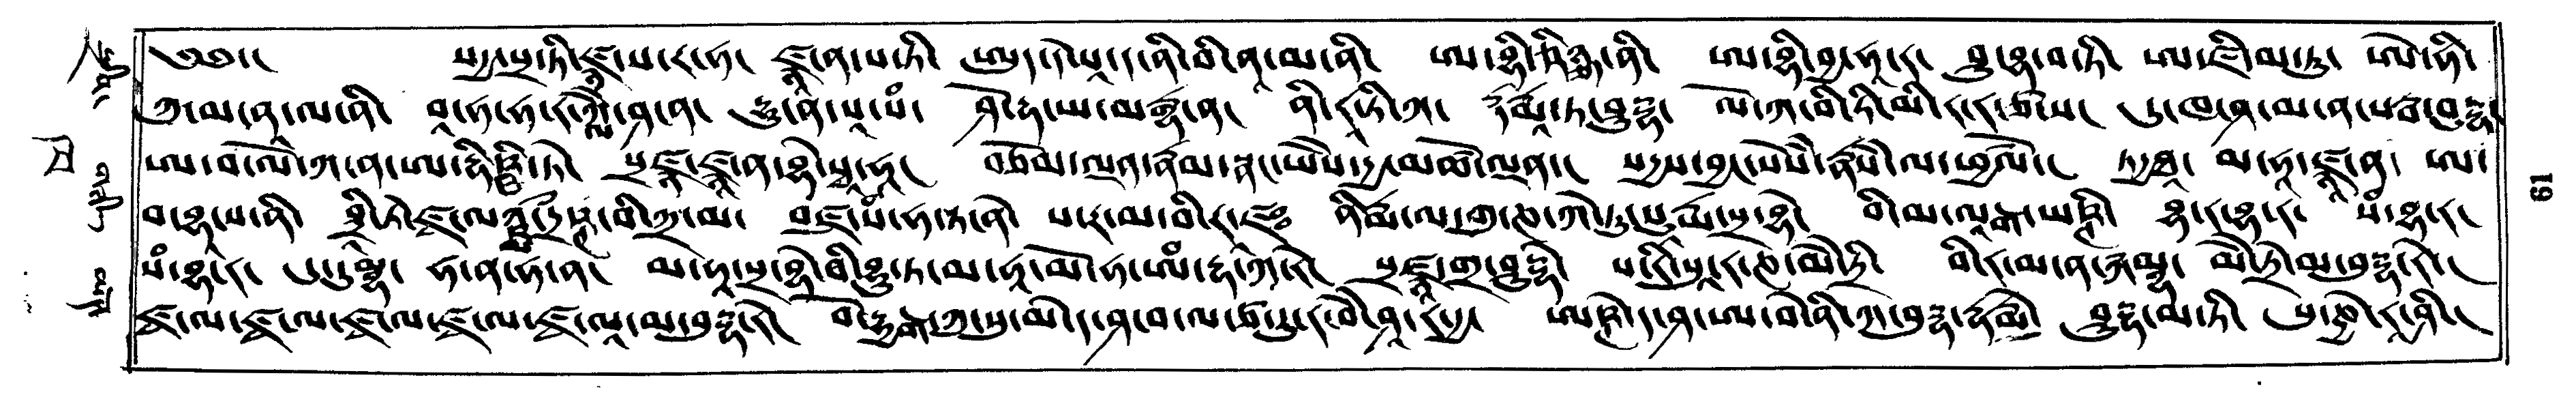སདྱ་པྲ་ཏི་ཛྙཱ་ས་ར་ཧ། ཛྙཱ་ན་པ་ཏི། ཨུད་དེ་པཱ་ད་ནི་བི་ནཱ་མ་ནི། ཨ་བྷི་རིཉྩ་ནི། ཨ་བྷི་བྱ་ཧཱ་ར། ཤུ་བྷ་བ་ཏི། ཨ་ཛི་མ་ཏུ། ཨེ་ཧི་
ཀུ་མ་ནཱ་ལ་ནི། བཱ་ཧ་ཧ་ར་ཀླཻ་ཤ་ན། དྷུ་ན་པཱ་པཾ། ཤོ་དྷ་ཡ་མརྒྷ་ན། ནི་རཱ་ཏི་ཀ། དྷརྨཱ་ཏ་ཤུདྡྷ། ལོ་ཀ་བི་ཏི་མི་ར་ར་ཙ་ས། དུ་ཁ་ཤ་མ་ན་སརྦ་བུདྡྷ་
ཨ་བ་ལོ་ཀ་ན་ཨ་དྷིཥྛི་ཏེ། པྲཛྙ་ཛྙཱ་ན་བྷེ་སྭ་ཧཱ། བཅོམ་ལྡན་རྣམ་སྣང་ཡེ་ཤེས་རྒྱ་མཚོ་ལྡན། སངས་རྒྱས་བྱང་སེམས་རྣམས་ལ་ཕྱག་འཚལ་ལོ། ཏདྱཐཱ། མ་ཧཱ་ཛྙཱ་ནཱ། ཨ་
བ་བྷ་ས་ནི། ཤྲཱི་ཏེ་ཛྭ་ལཀྵྨ་དྲྀཥྚ་བི་ཀྲ་མ། བཛྲ་སཾ་ཧ་ར་ནེ། ས་ར་མ་བི་རཱ་ཛཿ ནིརྨ་ལ་གུ་ཎ་ཀེ་ཏུ་སུརྻ་པྲ་བྷེ། བི་མ་ལཱངྒ་ཡཥྚི། བྷ་ར་བྷ་ར། སཾ་བྷ་ར་
སཾ་བྷ་ར། དུ་དུ་མྦྷ། ཧ་ན་ཧ་ན། མ་ཧཱ་པྲ་བྷེ་བི་བྷུ་ཏ་མ་ཧཱ་མོ་ཧ་ཨཾ་དྷ་ཀ་རེ། པྲཛྙཱ་གྲི་ཤུདྡྷེ། པ་རི་སཱུ་ར་ཎ་མཻ་ཏྲི། བི་ར་མ་ན་སྐམྦྷ། མཻ་ཏྲི་མ་བུདྡྷ་རེ། 
ཛྭ་ལ་ཛྭ་ལ་ཛྭ་ལ་ཛྭ་ལ་ཛྭ་ལཱ་མ་བུདྡྷ་རེ། བོདྷྱངྒ་ཀུ་སུ་མེ་ད་ཤ་བ་ལ་ཙ་རུ་ར་བཻ་ཤཱ་རདྱ། ཨཥྚེ་ད་ཤ་ཨ་བེ་ནི་ཀ་བུདྡྷ་དྷརྨེ། ཤུདྡྷ་མ་ཏི། པུཎྜྻེ་རཱ་ཤི།